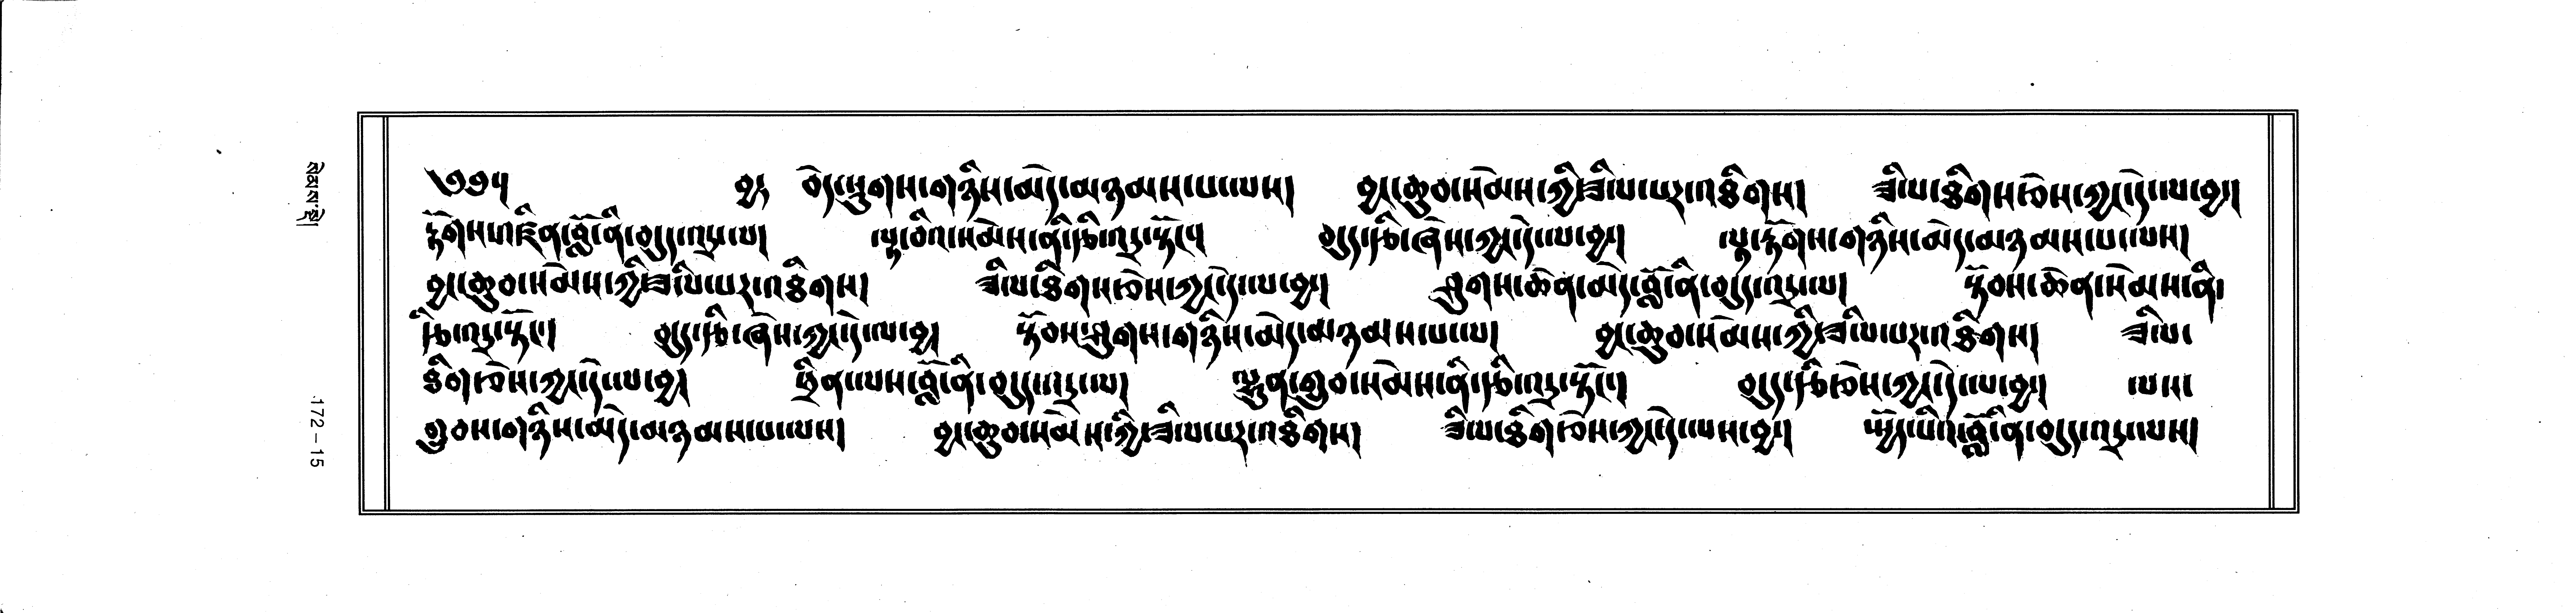བྱ། བདེ་སྡུག་གཉིས་མེད་མཉམས་པ་ལས། བྱང་ཆུབ་སེམས་ཀྱི་ཟིལ་པར་འཐིགས། ཟིལ་ཐིགས་ཅེས་ཀྱང་དེ་ལ་བྱ། 
རྟོགས་འཛིན་བློ་ནི་བདུད་འདྲ་ལ། ལྟ་བའི་སེམས་ནི་རྩི་འདྲ་སྟོང་། བདུད་རྩི་ཞེས་ཀྱང་དེ་ལ་བྱ། ལྟ་རྟོགས་གཉིས་མེད་མཉམས་པ་ལས། 
བྱང་ཆུབ་སེམས་ཀྱི་ཟིལ་པར་འཐིགས། ཟིལ་ཐིགས་ཅེས་ཀྱང་དེ་ལ་བྱ། ཤུགས་མེད་བློ་ནི་བདུད་འདྲ་ལ། སྟོབས་ཆེན་སེམས་ནི་
རྩི་འདྲ་སྟོང་། བདུད་རྩི་ཞེས་ཀྱང་དེ་ལས་བྱ། སྟོབས་ཤུགས་གཉིས་མེད་མཉམས་པ་ལ། བྱང་ཆུབ་སེམས་ཀྱི་ཟིལ་པར་འཐིགས། ཟིལ་
ཐིག་ཅེས་ཀྱང་དེ་ལ་བྱ། ཕྲིན་ལས་བློ་ནི་བདུད་འདྲ་ལ། ལྷུན་གྲུབ་སེམས་ནི་རྩི་འདྲ་སྟོང་། བདུད་རྩི་ཅེས་ཀྱང་དེ་ལ་བྱ། ལས་
གྲུབ་གཉིས་མེད་མཉམས་པ་ལས། བྱང་ཆུབ་སེམས་ཀྱི་ཟིལ་པར་འཐིགས། ཟིལ་ཐིག་ཅེས་ཀྱང་དེ་ལ་བྱ། སྤྱོད་པའི་བློ་ནི་བདུད་འདྲ་ལས།